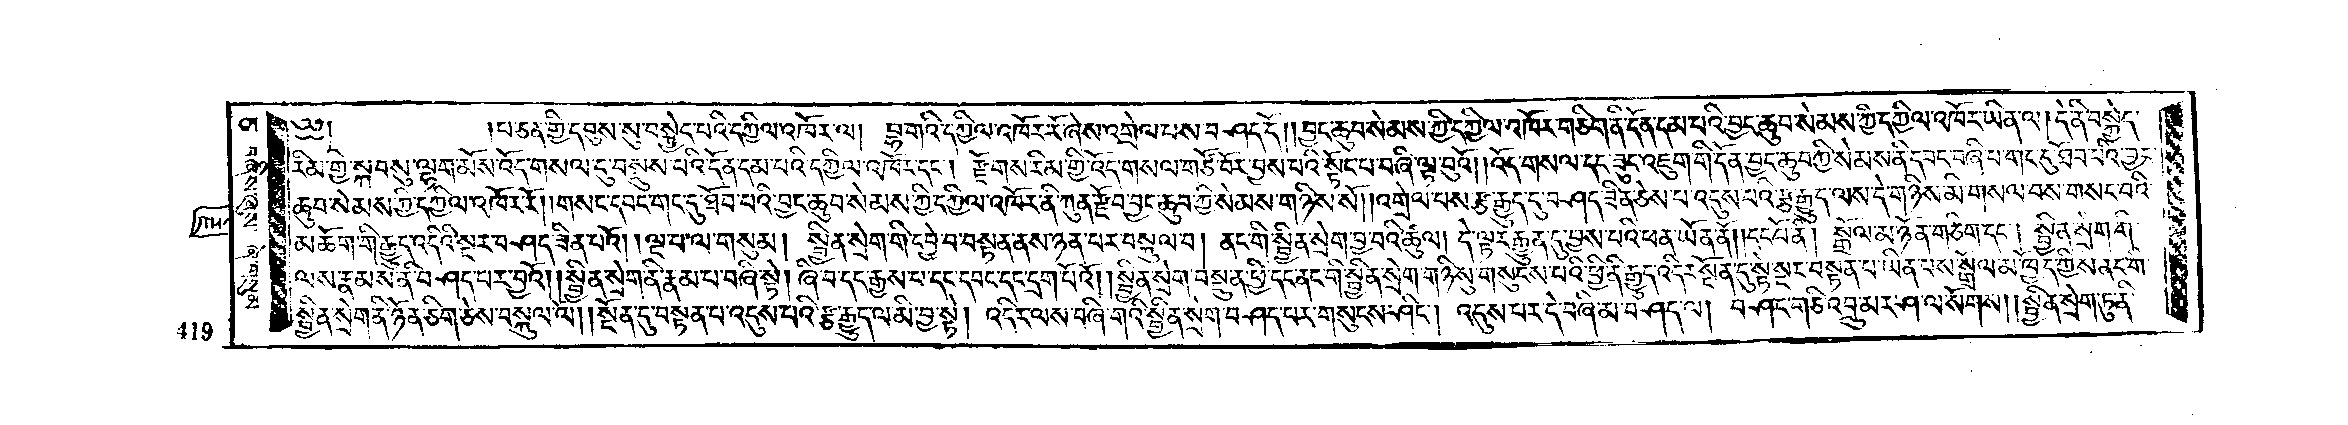༄༅། །པ་ཅན་གྱི་དབུས་སུ་བསྐྱེད་པའི་དཀྱིལ་འཁོར་ལ། བྷ་གའི་དཀྱིལ་འཁོར་རོ་ཞེས་འགྲེལ་པས་བཤད་དོ། །བྱང་ཆུབ་སེམས་ཀྱི་དཀྱིལ་འཁོར་གཅིག་ནི་དོན་དམ་པའི་བྱང་ཆུབ་སེམས་ཀྱི་དཀྱིལ་འཁོར་ཡིན་ལ། དེ་ནི་བསྐྱེད་
རིམ་གྱི་སྐབས་སུ་ལྷག་མོས་འོད་གསལ་དུ་བསྡུས་པའི་དོན་དམ་པའི་དཀྱིལ་འཁོར་དང་། རྫོགས་རིམ་གྱི་འོད་གསལ་གཙོ་བོར་བྱས་པའི་སྟོང་པ་བཞི་ལྟ་བུའོ། །འོད་གསལ་དང་ཟུང་འཇུག་གི་དོན་བྱང་ཆུབ་ཀྱི་སེམས་ནི་དབང་བཞི་པ་གང་དུ་ཐོབ་པའི་བྱང་
ཆུབ་སེམས་ཀྱི་དཀྱིལ་འཁོར་རོ། །གསང་དབང་གང་དུ་ཐོབ་པའི་བྱང་ཆུབ་སེམས་ཀྱི་དཀྱིལ་འཁོར་ནི་ཀུན་རྫོབ་བྱང་ཆུབ་ཀྱི་སེམས་གཉིས་སོ། །འགྲེལ་པས་རྩ་རྒྱུད་དུ་བཤད་ཟིན་ཅེས་པ་འདུས་པའི་རྩ་རྒྱུད་ལས་དེ་གཉིས་མི་གསལ་བས་གསང་བའི་
མཆོག་གི་རྒྱུད་འདིའི་སྔར་བཤད་ཟིན་པའོ། །ལྔ་པ་ལ་གསུམ། སྦྱིན་སྲེག་གི་དབྱེ་བ་བསྟན་ནས་ཉན་པར་བསྐུལ་བ། ནང་གི་སྦྱིན་སྲེག་བྱ་བའི་ཚུལ། དེ་ལྟར་རྒྱུན་དུ་བྱས་པའི་ཕན་ཡོན་ནོ། །དང་པོ་ནི། སྒྲོལ་མ་ཉོན་གཅིག་དང་། སྦྱིན་སྲེག་གི་
ལས་རྣམས་ནི་བཤད་པར་བྱའོ། །སྦྱིན་སྲེག་ནི་རྣམ་པ་བཞི་སྟེ། ཞི་བ་དང་རྒྱས་པ་དང་དབང་དང་དྲག་པོའོ། །སྦྱིན་སྲེག་བསྡུ་ན་ཕྱི་དང་ནང་གི་སྦྱིན་སྲེག་གཉིས་སུ་གསུངས་པའི་ཕྱི་ནི་རྒྱུད་འདིར་སྔོན་དུ་སྟེ་སྔར་བསྟན་པ་ཡིན་པས་སྒྲོལ་མ་ཁྱོད་ཀྱིས་ནང་གི་
སྦྱིན་སྲེག་ནི་ཉོན་ཅིག་ཅེས་བསྐུལ་ལོ། །སྔོན་དུ་བསྟན་པ་འདུས་པའི་རྩ་རྒྱུད་ལ་མི་བྱ་སྟེ། འདིར་ལས་བཞི་གའི་སྦྱིན་སྲེག་བཤད་པར་གསུངས་ཤིང་། འདུས་པར་དེ་བཞི་མ་བཤད་ལ། བཤང་གཅི་འབྲུ་མར་ཤ་ལ་སོགས། །སྦྱིན་སྲེག་ཏུ་ནི་